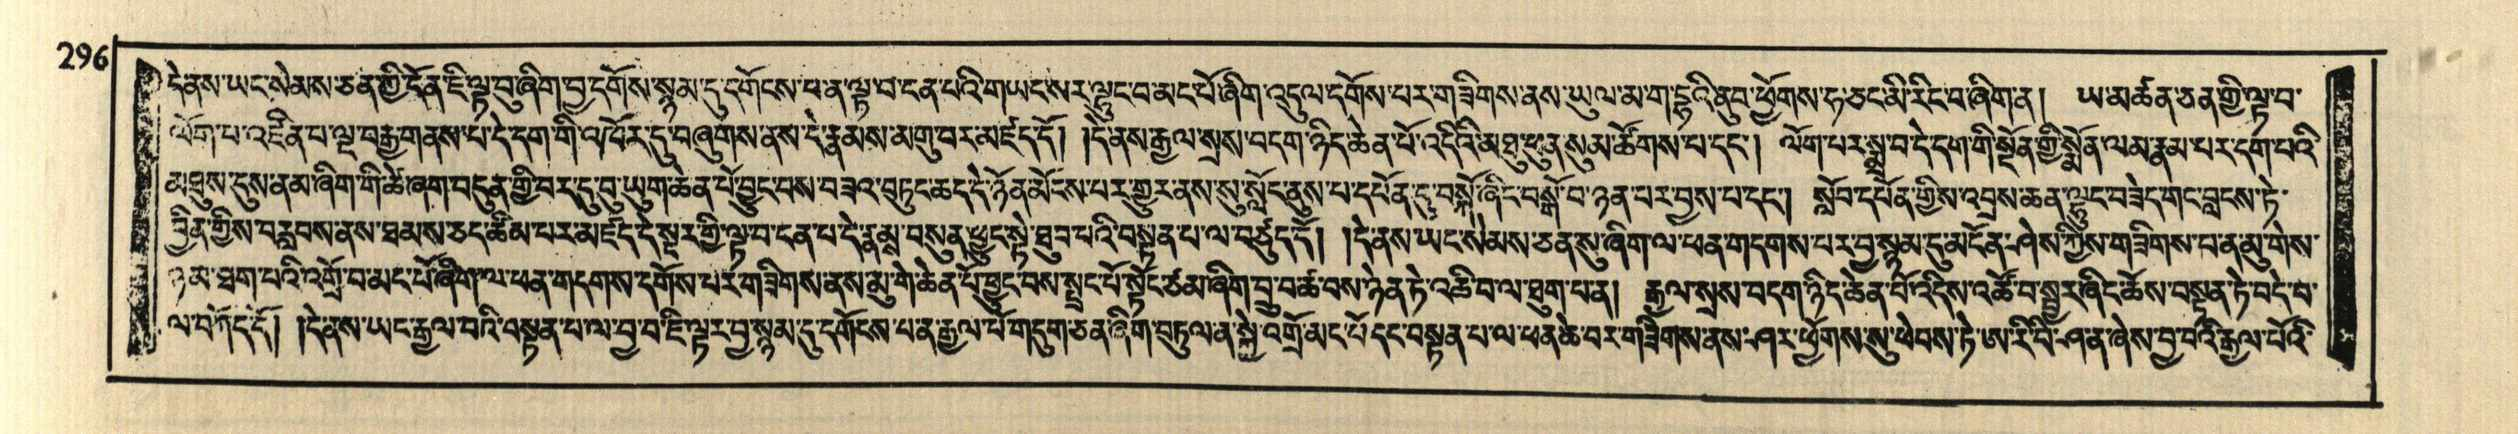དེ་ནས་ཡང་སེམས་ཅན་ཀྱི་དོན་ཇི་ལྟ་བུ་ཞིག་བྱ་དགོས་སྙམ་དུ་དགོངས་པ་ན་ལྟ་བ་ངན་པའི་གཡང་སར་ལྷུང་བ་མང་པོ་ཞིག་འདུལ་དགོས་པར་གཟིགས་ནས་ཡུལ་མ་ག་དྷའི་ནུབ་ཕྱོགས་ཧ་ཅང་མི་རིང་བ་ཞིག་ན། ཡ་མཚན་ཅན་གྱི་ལྟ་བ་
ལོག་པ་འཛིན་པ་ལྔ་བརྒྱ་གནས་པ་དེ་དག་གི་འཁོར་དུ་བཞུགས་ནས་དེ་རྣམས་མགུ་བར་མཛད་དོ། །དེ་ནས་རྒྱལ་སྲས་བདག་གཉིད་ཆེན་པོ་འདིའི་མཐུ་ཕུན་སུམ་ཚོགས་པ་དང་། ལོག་པར་སྨྲ་བ་དེ་དག་གི་སྔོན་གྱི་སྨོན་ལམ་རྣམ་པར་དག་པའི་
མཐུས་དུས་ནམ་ཞིག་གི་ཚེ་ཞག་བདུན་གྱི་བར་དུ་བུ་ཡུག་ཆེན་པོ་བྱུང་བས་བཟའ་བཏུང་ཆད་དེ་ཉོན་མོངས་པར་གྱུར་ནས་སུ་སློང་ནུས་པ་དཔོན་དུ་བསྐོ་ཞིང་བསྒོ་བ་ཉན་པར་བྱས་པ་དང་། སློབ་དཔོན་གྱིས་འབྲས་ཆན་ལྷུང་བཟེད་གང་བླངས་ཏེ་
བྱིན་གྱིས་བརླབས་ནས་ཐམས་ཅད་ཚིམ་པར་མཛད་དེ་སྔར་གྱི་ལྟ་བ་ངན་པ་དེ་རྣམས་བསུན་ཕྱུང་སྟེ་ཐུབ་པའི་བསྟན་པ་ལ་བཙུད་དོ། །དེ་ནས་ཡང་སེམས་ཅན་སུ་ཞིག་ལ་ཕན་གདགས་པར་བྱ་སྙམ་དུ་མངོན་ཤེས་ཀྱིས་གཟིགས་པ་ན་མུ་གེས་
ཉམ་ཐག་པའི་འགྲོ་བ་མང་པོ་ཞིག་ལ་ཕན་གདགས་དགོས་པར་གཟིགས་ནས་མུ་གེ་ཆེན་པོ་ཕྱུང་བས་སྤྲང་པོ་སྟོང་ཙམ་ཞིག་བྲུ་བ་ཚ་བས་ཉེན་ཏེ་འཆི་བ་ལ་ཐུག་པ་ན། རྒྱལ་སྲས་བདག་ཉིད་ཆེན་པོ་འདིས་འཚོ་བ་སྦྱར་ཞིང་ཆོས་བསྟན་ཏེ་བདེ་བ་
ལ་བཀོད་དོ། །དེ་ནས་ཡང་རྒྱལ་བའི་བསྟན་པ་ལ་བྱ་བ་ཇི་ལྟར་བྱ་སྙམ་དུ་དགོངས་པ་ན་རྒྱལ་པོ་གདུག་ཅན་ཞིག་བཏུལ་ན་སྐྱེ་འགྲོ་མང་པོ་དང་བསྟན་པ་ལ་ཕན་ཆེ་བར་གཟིགས་ནས་ཤར་ཕྱོགས་སུ་ཕེབས་ཏེ་ཨ་རི་བི་ཤ་ན་ཞེས་བྱ་བའི་རྒྱལ་པོའི་